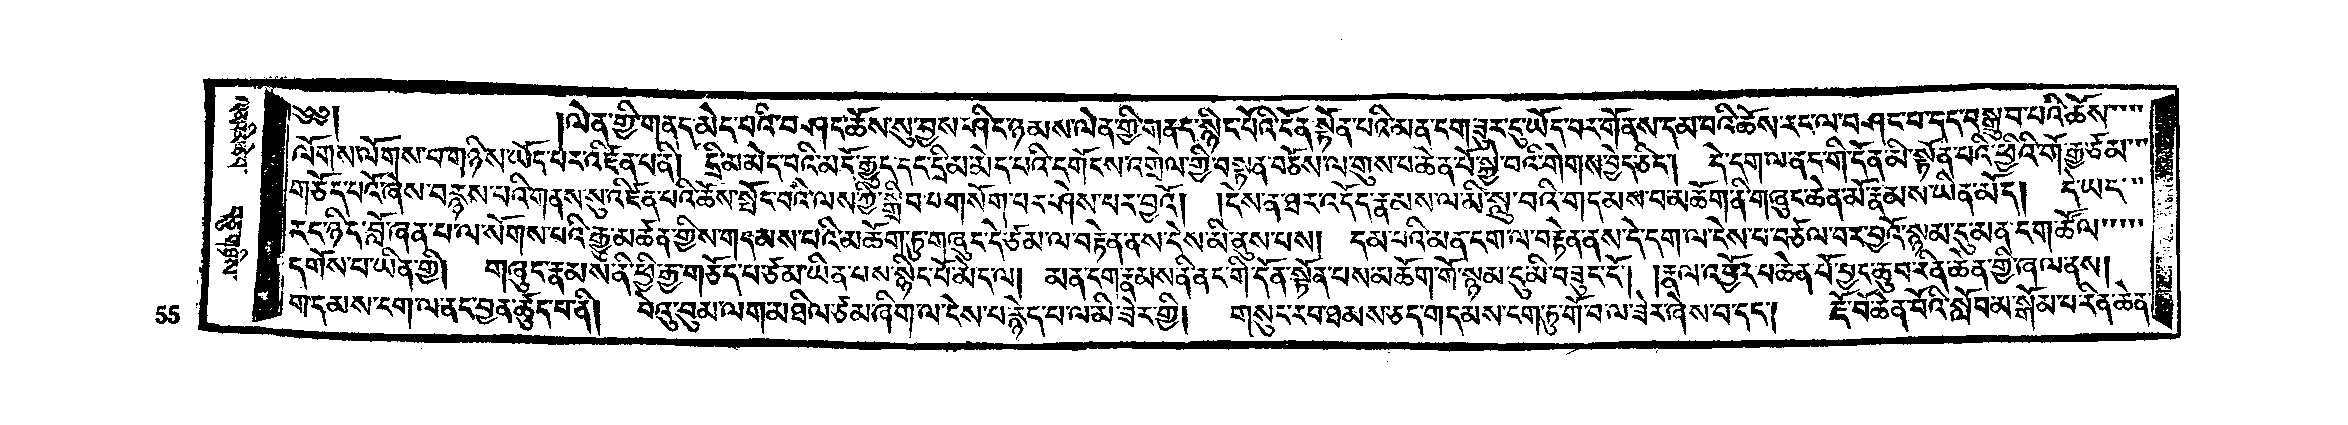༄༅། །ལེན་གྱི་གནད་མེད་པའི་བཤད་ཆོས་སུ་བྱས་ཤིང་ཉམས་ལེན་གྱི་གནད་སྙིང་པོའི་དོན་སྟོན་པའི་མན་ངག་ཟུར་དུ་ཡོད་པར་གོ་ནས་དམ་པའི་ཆོས་རང་ལ་བཤད་པ་དང་བསྒྲུབ་པའི་ཆོས་
ལོགས་ལོགས་པ་གཉིས་ཡོད་པར་འཛིན་པ་ནི། དྲི་མ་མེད་པའི་མདོ་རྒྱུད་དང་དྲི་མ་མེད་པའི་དགོངས་འགྲེལ་གྱི་བསྟན་བཅོས་ལ་གུས་པ་ཆེན་པོ་སྐྱེ་བའི་གེགས་བྱེད་ཅིང་། དེ་དག་ལ་ནང་གི་དོན་མི་སྟོན་པའི་ཕྱིའི་གོ་རྒྱ་ཙམ་
གཅོད་པའོ་ཞེས་བརྙས་པའི་གནས་སུ་འཛིན་པའི་ཆོས་སྤོང་བའི་ལས་ཀྱི་སྒྲིབ་པ་གསོག་པར་ཤེས་པར་བྱའོ། །དེས་ན་ཐར་འདོད་རྣམས་ལ་མི་སླུ་བའི་གདམས་པ་མཆོག་ནི་གཞུང་ཆེན་མོ་རྣམས་ཡིན་མོད། དེ་ཡང་
རང་ཉིད་བློ་ཞན་པ་ལ་སོགས་པའི་རྒྱུ་མཚན་གྱིས་གདམས་པའི་མཆོག་ཏུ་གཞུང་དེ་ཙམ་ལ་བརྟེན་ནས་ངེས་མི་ནུས་པས། དམ་པའི་མན་ངག་ལ་བརྟེན་ནས་དེ་དག་ལ་ངེས་པ་བཙལ་བར་བྱའོ་སྙམ་དུ་མན་ངག་ཚོལ་
དགོས་པ་ཡིན་གྱི། གཞུང་རྣམས་ནི་ཕྱི་རྒྱ་གཅོད་པ་ཙམ་ཡིན་པས་སྙིང་པོ་མེད་ལ། མན་ངག་རྣམས་ནི་ནང་གི་དོན་སྟོན་པས་མཆོག་གོ་སྙམ་དུ་མི་བཟུང་ངོ། །རྣལ་འབྱོར་པ་ཆེན་པོ་བྱང་ཆུབ་རིན་ཆེན་གྱི་ཞལ་ནས།
གདམས་ངག་ལ་ནང་བྱན་ཚུད་པ་ནི། བེའུ་བུམ་ལག་མཐིལ་ཙམ་ཞིག་ལ་ངེས་བ་རྙེད་པ་ལ་མི་ཟེར་གྱི། གསུང་རབ་ཐམས་ཅད་གདམས་ངག་ཏུ་གོ་པ་ལ་ཟེར་ཞེས་པ་དང་། ཇོ་བོ་ཆེན་པོའི་སློབ་མ་སྒོམ་པ་རིན་ཆེན་